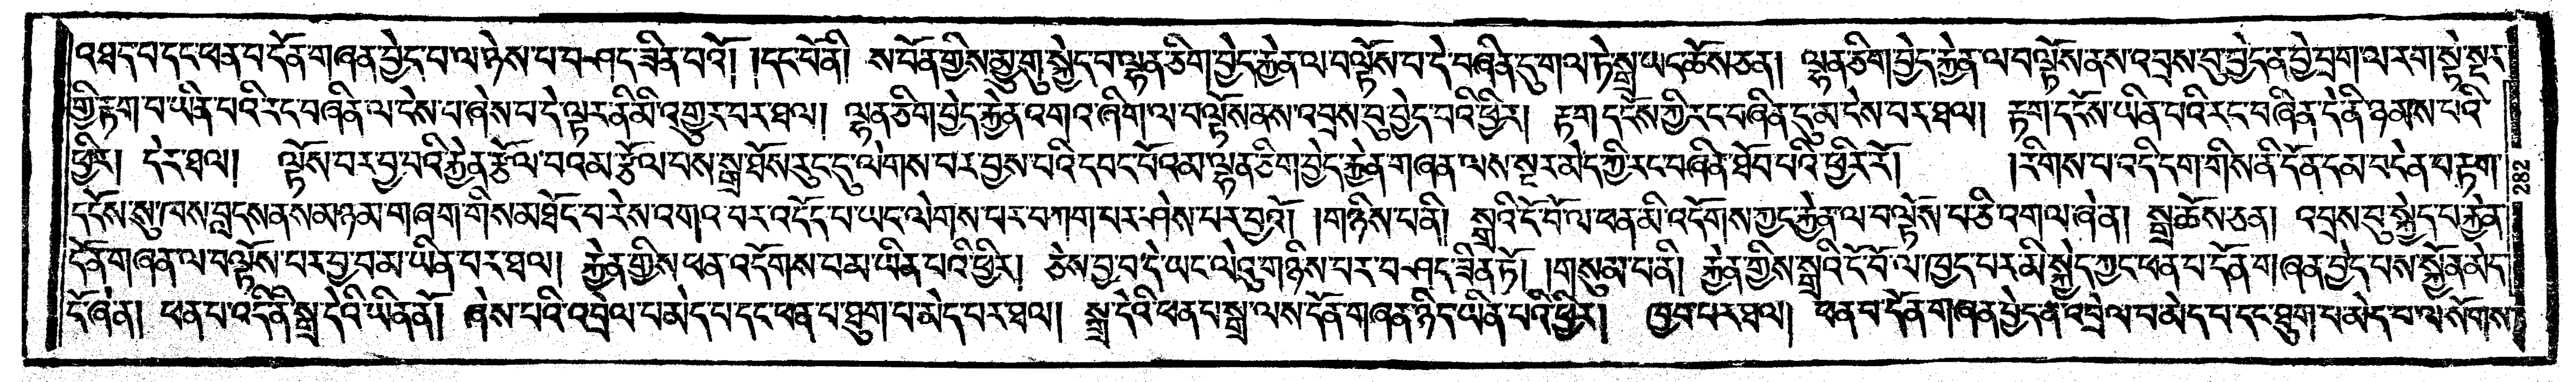འཐད་པ་དང་ཕན་པ་དོན་གཞན་བྱེད་པ་ལ་ཉེས་པ་བཤད་ཟིན་པའོ། །དང་པོ་ནི། ས་བོན་གྱིས་མྱུ་གུ་སྐྱེད་པ་ལྷན་ཅིག་བྱེད་རྐྱེན་ལ་བལྟོས་པ་དེ་བཞིན་དུ་གལ་ཏེ་སྒྲ་ཡང་ཆོས་ཅན། ལྷན་ཅིག་བྱེད་རྐྱེན་ལ་བལྟོས་ནས་འབྲས་བུ་བྱེད་ན་བྱེ་བྲག་ལ་རག་སྟེ་སྔར་
གྱི་རྟག་པ་ཡིན་པའི་རང་བཞིན་ལ་ངེས་པ་ཞེས་པ་ཞེས་པ་དེ་ལྟར་ནི་མི་འགྱུར་བར་ཐལ། ལྷན་ཅིག་བྱེད་རྐྱེན་འགའ་ཞིག་ལ་བལྟོས་ནས་འབྲས་བུ་བྱེད་པའི་ཕྱིར། རྟག་དངོས་ཀྱི་རང་བཞིན་དུ་མ་ངེས་པར་ཐལ། རྟག་དངོས་ཡིན་པའི་རང་བཞིན་དེ་ནི་ཉམས་པའི་
ཕྱིར། དེར་ཐལ། ལྟོས་པར་བྱ་བའི་རྐྱེན་རྩོལ་བའམ་རྩོལ་པས་སྒྲ་ཐོས་རུང་དུ་ལེགས་པར་བྱས་པའི་དབང་པོའམ་ལྷན་ཅིག་བྱེད་རྐྱེན་གཞན་ལས་སྔར་མེད་ཀྱི་རང་བཞིན་ཐོབ་པའི་ཕྱིར་རོ། །རིགས་པ་འདི་དག་གིས་ནི་དོན་དམ་བདེན་བརྟག་
དངོས་སུ་ཁས་བླངས་ནས་མཉམ་གཞག་གིས་མཐོང་བ་རེས་འགའ་བར་འདོད་པ་ཡང་ལེགས་པར་བཀག་པར་ཤེས་པར་བྱའོ། །གཉིས་པ་ནི། སྒྲའི་ངོ་བོ་ལ་ཕན་མི་འདོགས་ཀྱང་རྐྱེན་ལ་བལྟོས་པ་ཅི་འགལ་ཞེ་ན། སྒྲ་ཆོས་ཅན། འབྲས་བུ་སྐྱེད་པ་རྐྱེན་
དོན་གཞན་ལ་བལྟོས་པར་བྱ་བ་མ་ཡིན་པར་ཐལ། རྐྱེན་གྱིས་ཕན་འདོགས་པ་མ་ཡིན་པའི་ཕྱིར། ཅེས་བྱ་བ་དེ་ཡང་ལེའུ་གཉིས་པར་བཤད་ཟིན་ཏོ། །གསུམ་པ་ནི། རྐྱེན་གྱིས་སྒྲའི་ངོ་བོ་ལ་ཁྱད་པར་མི་སྐྱེད་ཀྱང་ཕན་པ་དོན་གཞན་བྱེད་པས་སྐྱོན་མེད་
དོ་ཞེ་ན། ཕན་པ་འདི་ནི་སྒྲ་དེའི་ཡིན་ནོ། ཞེས་པའི་འབྲེལ་པ་མེད་པ་དང་ཕན་པ་ཐུག་པ་མེད་པར་ཐལ། སྒྲ་དེའི་ཕན་པ་སྒྲ་ལས་དོན་གཞན་ཉིད་ཡིན་པའི་ཕྱིར། ཁྱབ་པར་ཐལ། ཕན་པ་དོན་གཞན་བྱེད་ན་འབྲེལ་བ་མེད་པ་དང་ཐུག་པ་མེད་པ་ལ་སོགས་